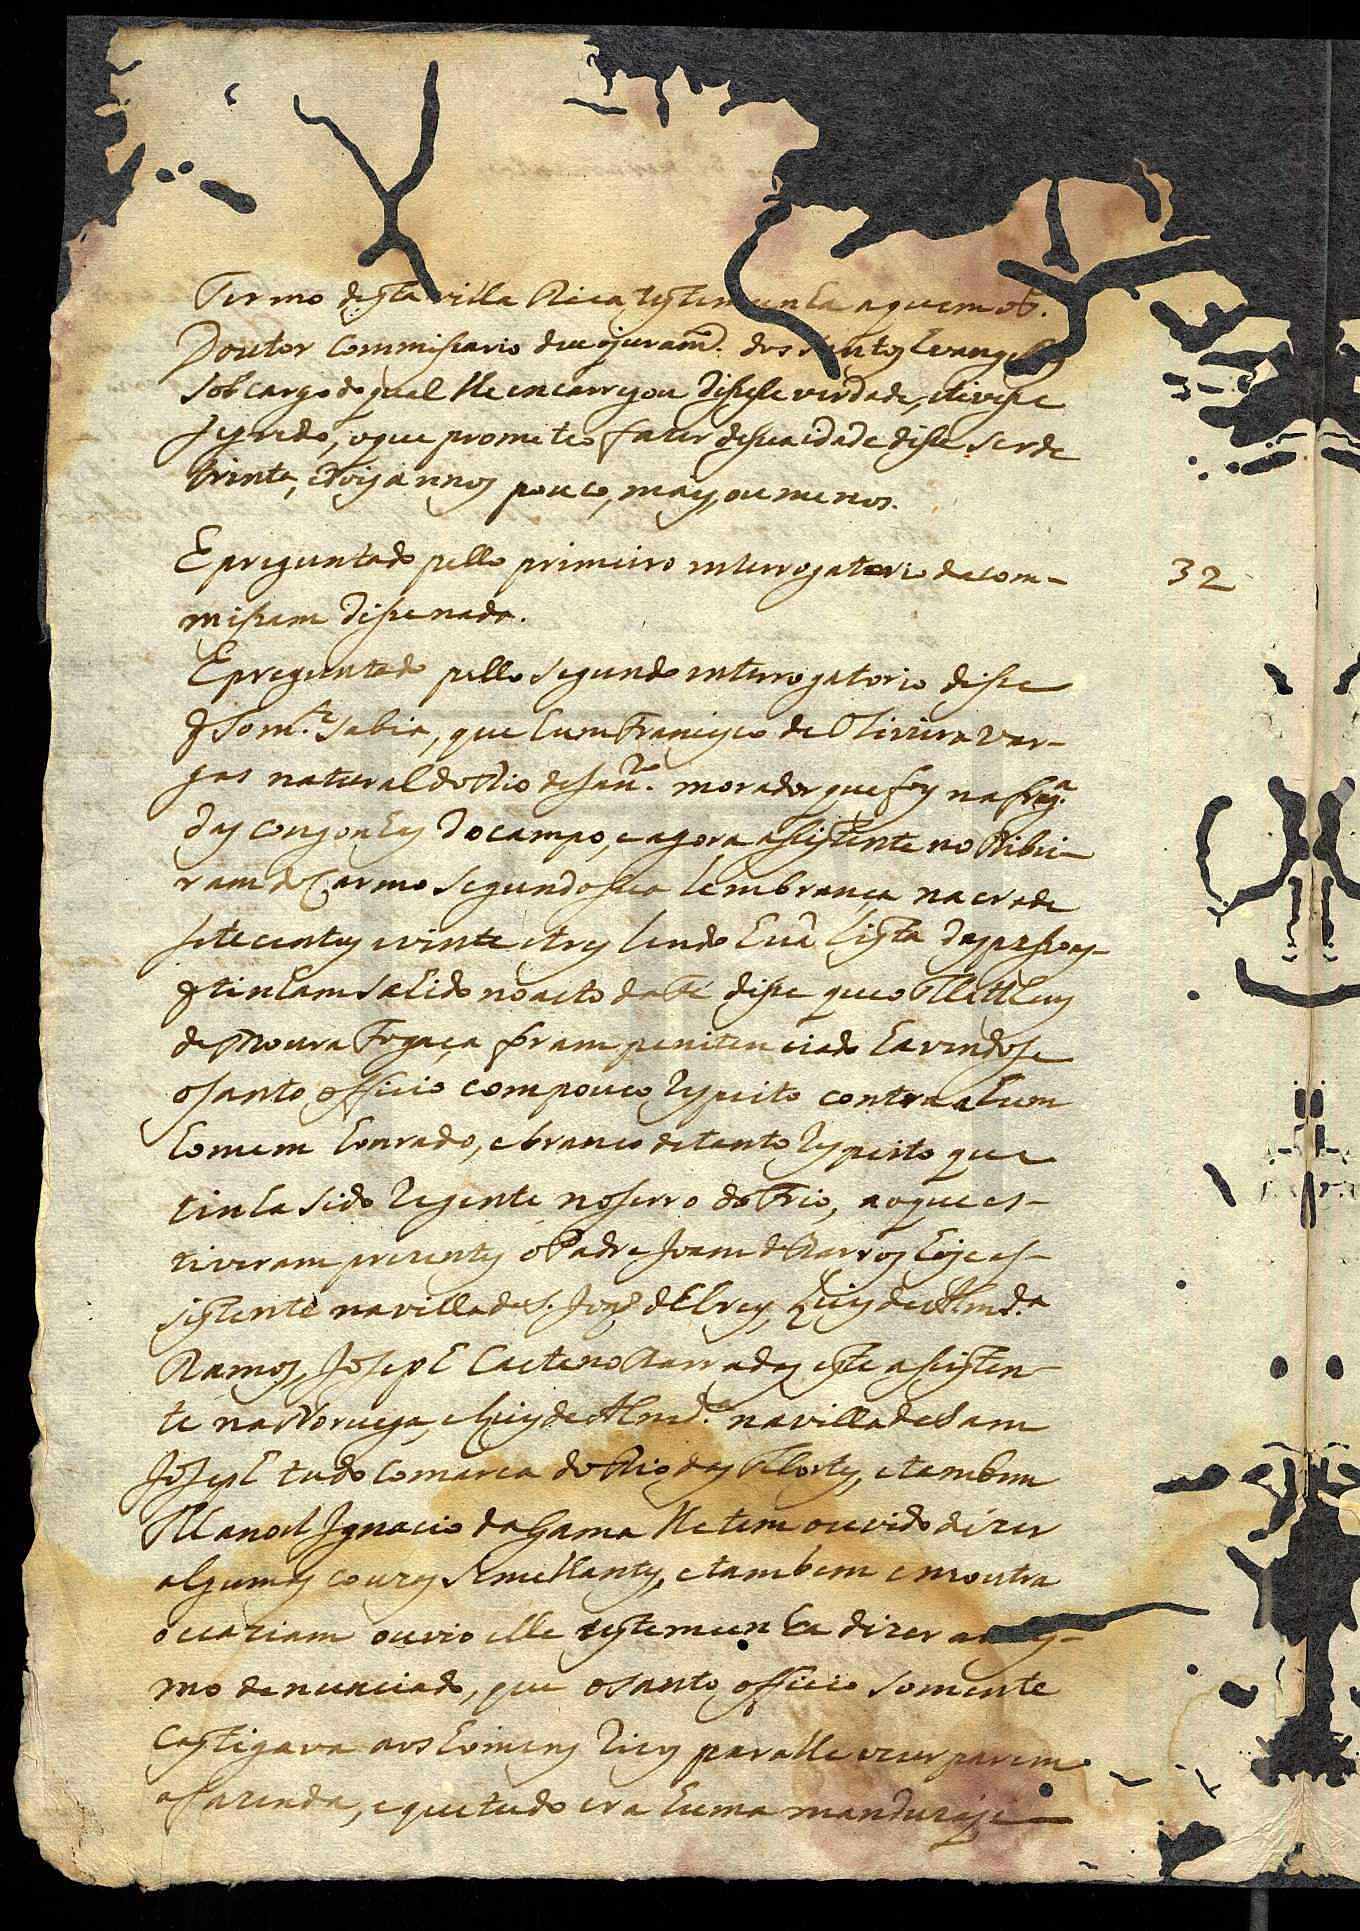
Termo desta villa Rica testemunha a quem o s.r
Doutor commissario deu o juram.to dos santos Evangelhos
sob cargo do qual lhe encarregou dissesse verdade, e tivesse
segredo, o que prometeo fazer de sua idade disse ser de
trinta, e dois annos pouco mais, ou menos.
E preguntado pello primeiro interrogatorio da com
32
missam disse nada.
E preguntado pello segundo interrogatorio disse
q̄ som.te sabia, que hum Francisco de Oliveira Var
gas natural do Rio de Jan.ro morador que foy na freg.a
das congonhas do campo, e agora assistente no Ribei
ram do Carmo segundo sua lembrança na era de
setecentos e vinte e tres lendo huā lista das pessoas
q̄ tinham sahido no acto da Fé disse que o Mattheus
de Moura Fogaça foram penitenciado havendose
o santo officio com pouco Respeito contra a hum
homem honrado, e branco de tanto Respeito que
tinha sido Regente no serro do Frio, ao que es
tiveram prezentes o Padre Joam de Barros hoje as
sistente na villa de S. Joaõ dEl rey, Luis de Almd.a
Ramos, Jozeph Caetano Barrados este assisten
te na Noruega, e Luis de Almd.a na villa de Sam
Jozeph tudo comarca do Rio das Mortes, e tambem
Manoel Jgnacio da Gama lhe tem ouvido dizer
algumas couzas semelhantes, e tambem em outra
occaziam ouvio elle testemunha dizer a _es
mo denunciado, que o santo officio somente
castigava aos homens Ricos para lhe uzurparem
a fazenda, e que tudo era huma manduzaje
